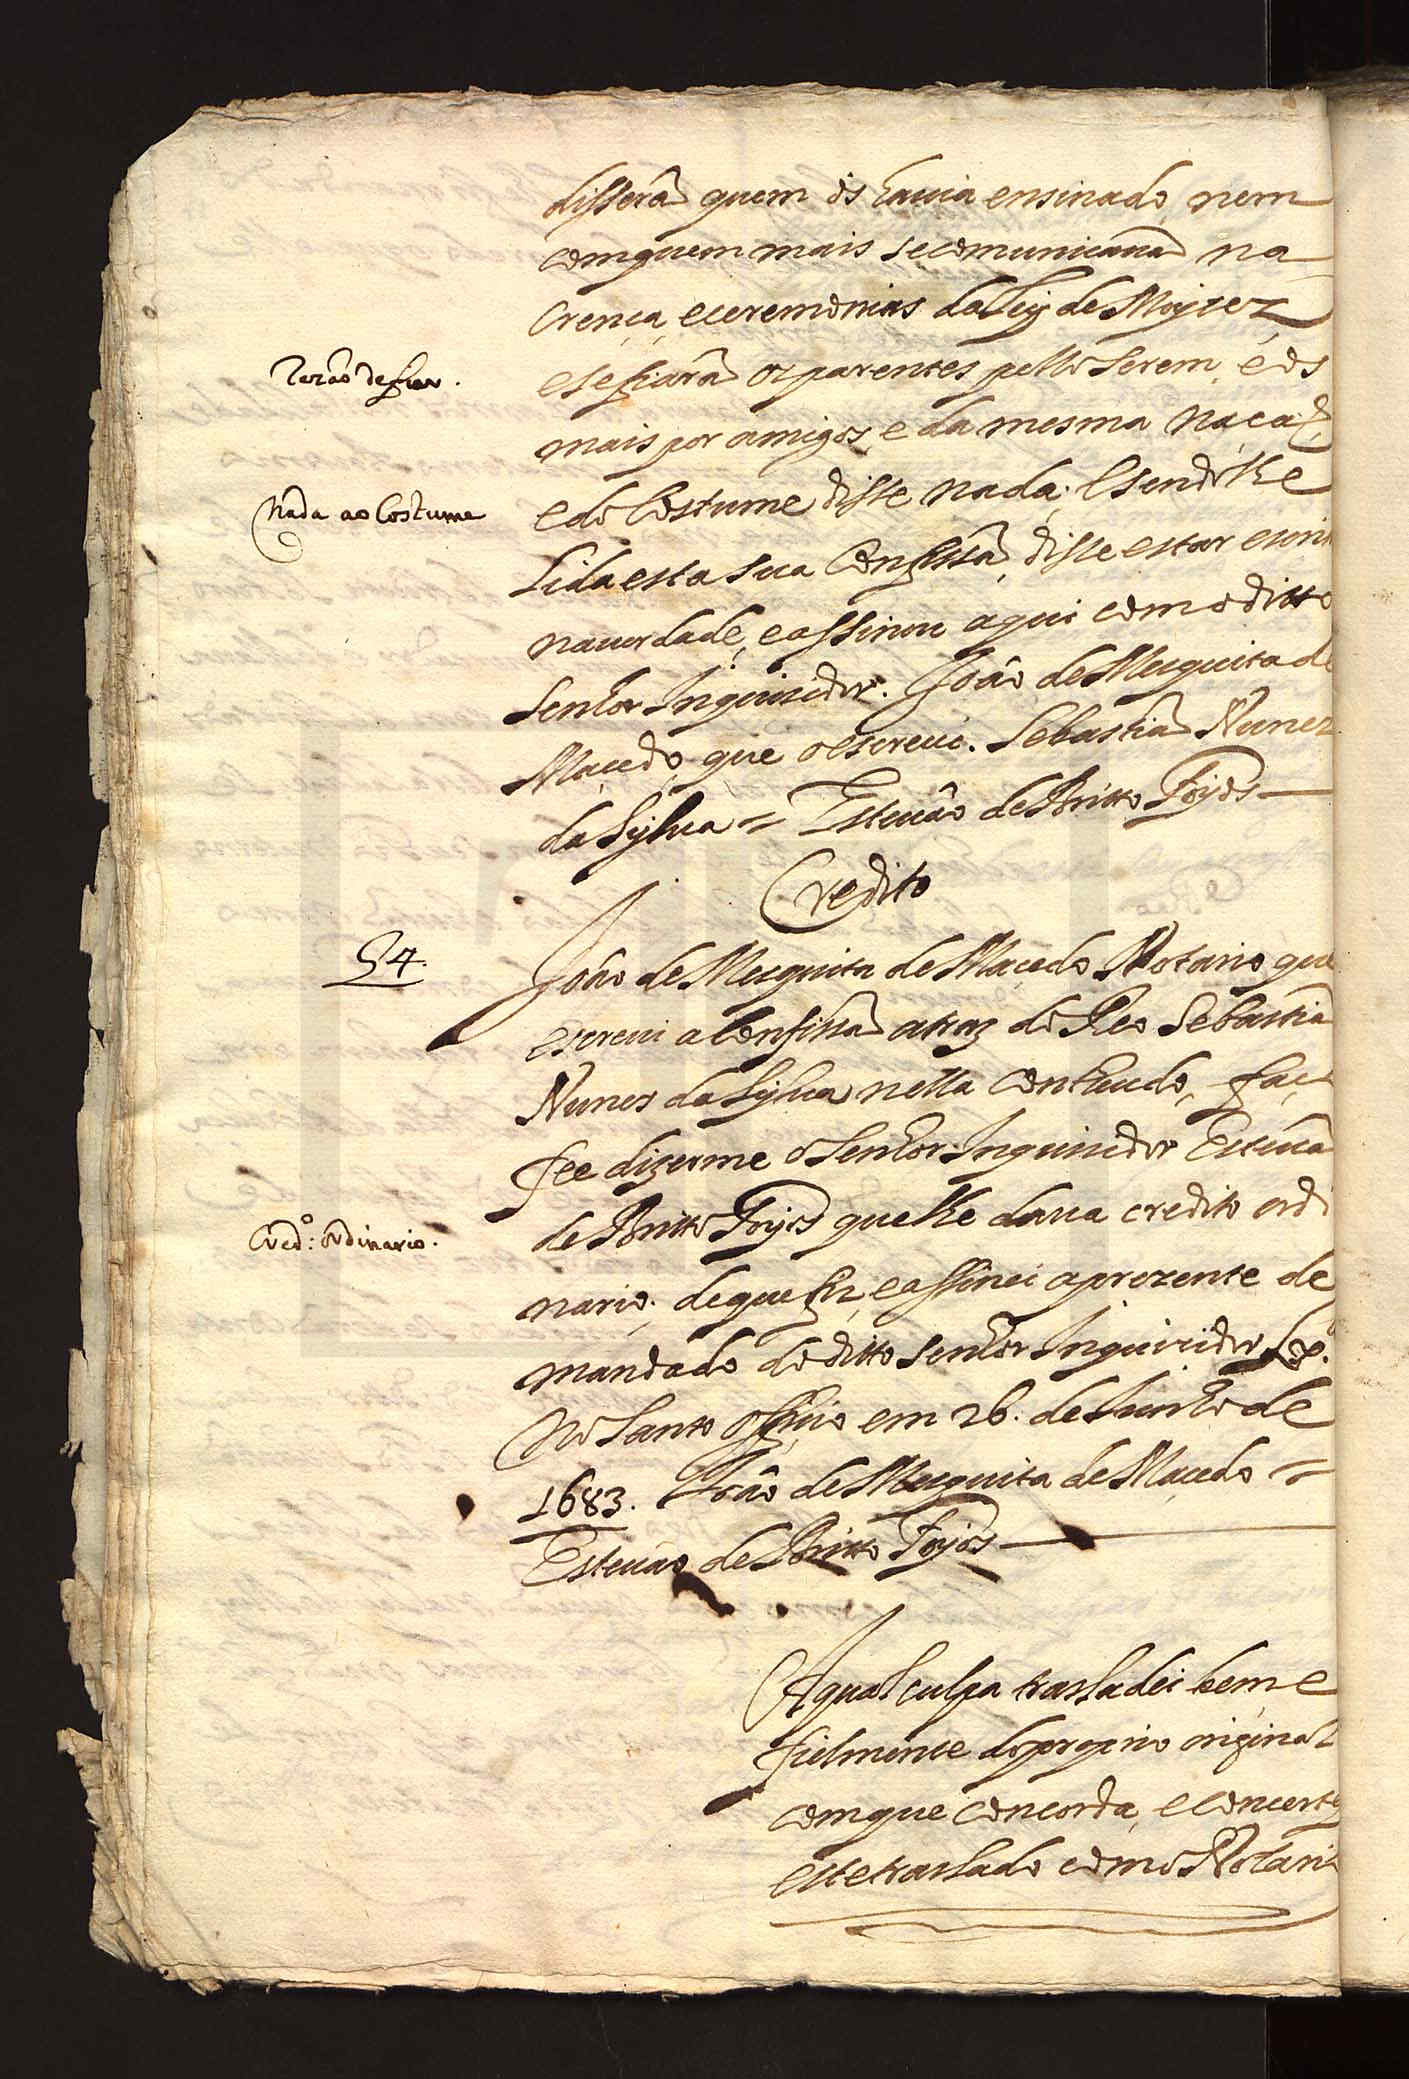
disseraõ quem os hauia ensinado nem
com quem mais se comunicauaõ na
crença, e ceremonias da Ley de Moysez,
e se fiaraõ os parentes pello serem, e os
mais por amigos e da mesma naçaõ,
e do costume disse nada; e sendolhe
Lida esta sua confissão, disse estar escri_
na uerdade, e assinou aqui com o ditto
Senhor Inquizidor. João de Mesquita de
Maçedo que o escreui. Sebastiaõ Nunez
da Sylua = Esteuão de Britto Foyos
Credito
João de Mesquita de Maçedo Notario que
escreui a confissaõ atraz do Reo Sebastiã_
Nunes da Sylua nella contheudo, faç_
fee dizerme o Senhor Inquizidor Esteuã_
de Britto Foyos que lhe daua credito ordi
nario; de que fiz, e assinei a prezente de
mandado do ditto senhor Inquizidor Lx.a
No Santo offiçio em 26. de Junho de
1683. João de Mesquita de Maçedo =
Esteuão de Britto Foyos
A qual culpa trasladei bem, e
fielmente do proprio original
com que concorda, e concerte_
este traslado como Notario
